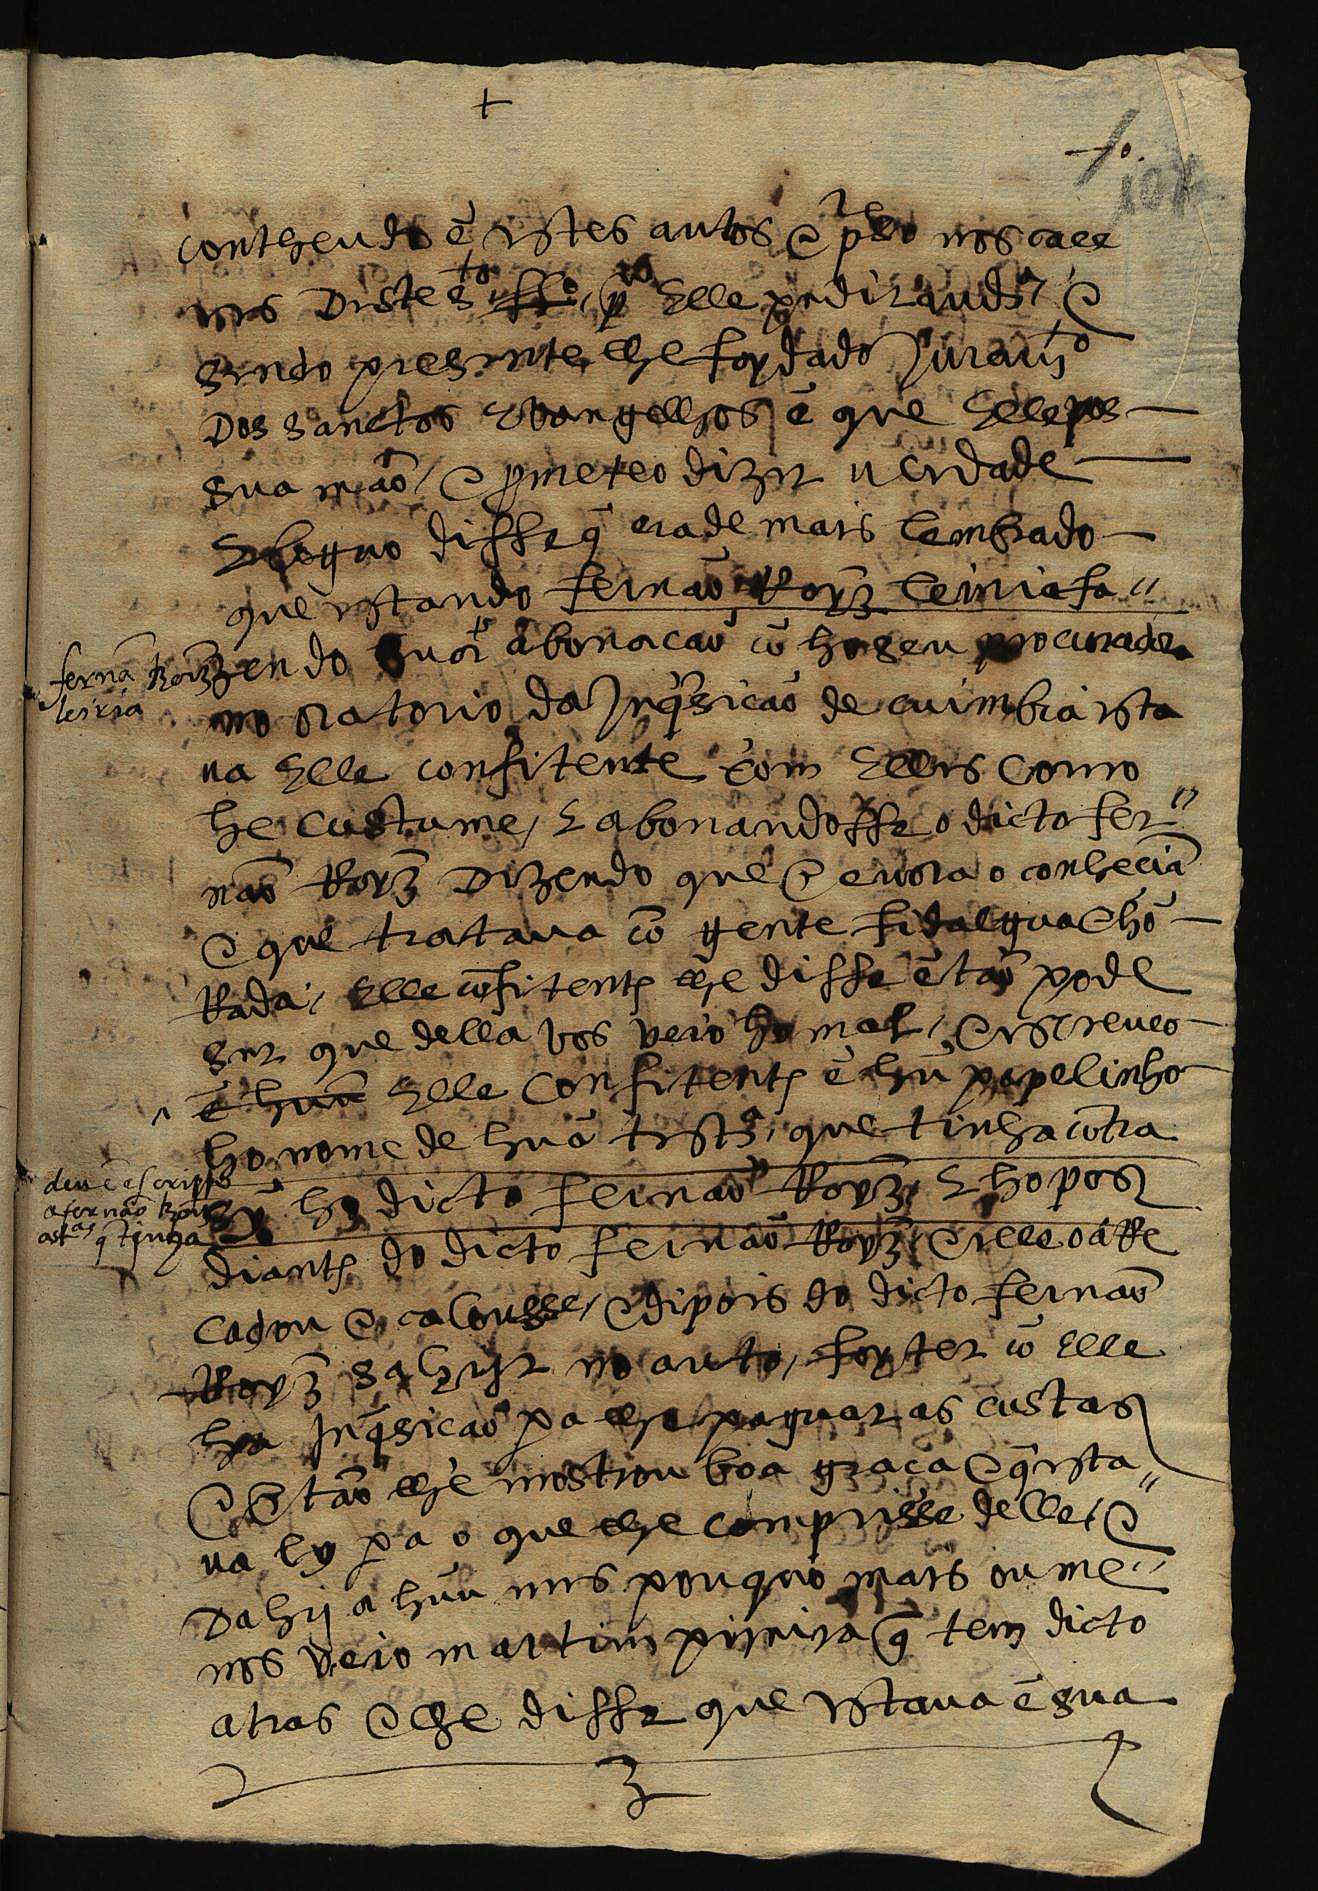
contheudo ē estes autos e preso nos cace
res Deste sto offo, por Elle pedir audja / e
sendo presente lhe foy dado Juramto
Dos Sanctos Evangelhos ē que Elle pos
sua mão / e ꝓmeteo dizer uerdade
E loguo disse q̄ era de mais lembrado
que estando fernaõ Royz̄ leiria fa
zendo sua + abonação cō ho seu procurador
fernā Roīz
leiria
no oratorio da Jnq̄isição de cuimbra esta
ua Elle confitente com Elles como
he custume / E abonandosse o dicto fer
não Royz̄ Dizendo que ē euora o conheciā
e que trataua c̄o gente fidalgua e hō
Rada / Elle cōfitente lhe disse ētão pode
ser que della vos veio ho maL / e escreueo
ē huū Elle confitentꝭ ē hū papelinho
ho nome de huā testa, que tinha cōtra
sy ho dicto fernaõ Royz̄ E ho pos
deu ē escripto
a fernão Rōiz
as tas q̄ tjnha
diantꝭ do dicto fernaõ Royz̄ / e elle o aRe
cadou e calousse / e dipois do dicto fernão
Royz̄ sahyr no auto, foy ter cō Elle
ha Jnq̄siçaõ ꝑa lhe paguar as custas
e ētaõ lhe mostrou boa graça e q̄ esta
ua ly ꝑa o que lhe comprisse delle / e
Dahy a hūu mes pouquo mais ou me
nos veio martim pireira q̄ tem dicto
atras e lhe disse que estaua e̅ sua
